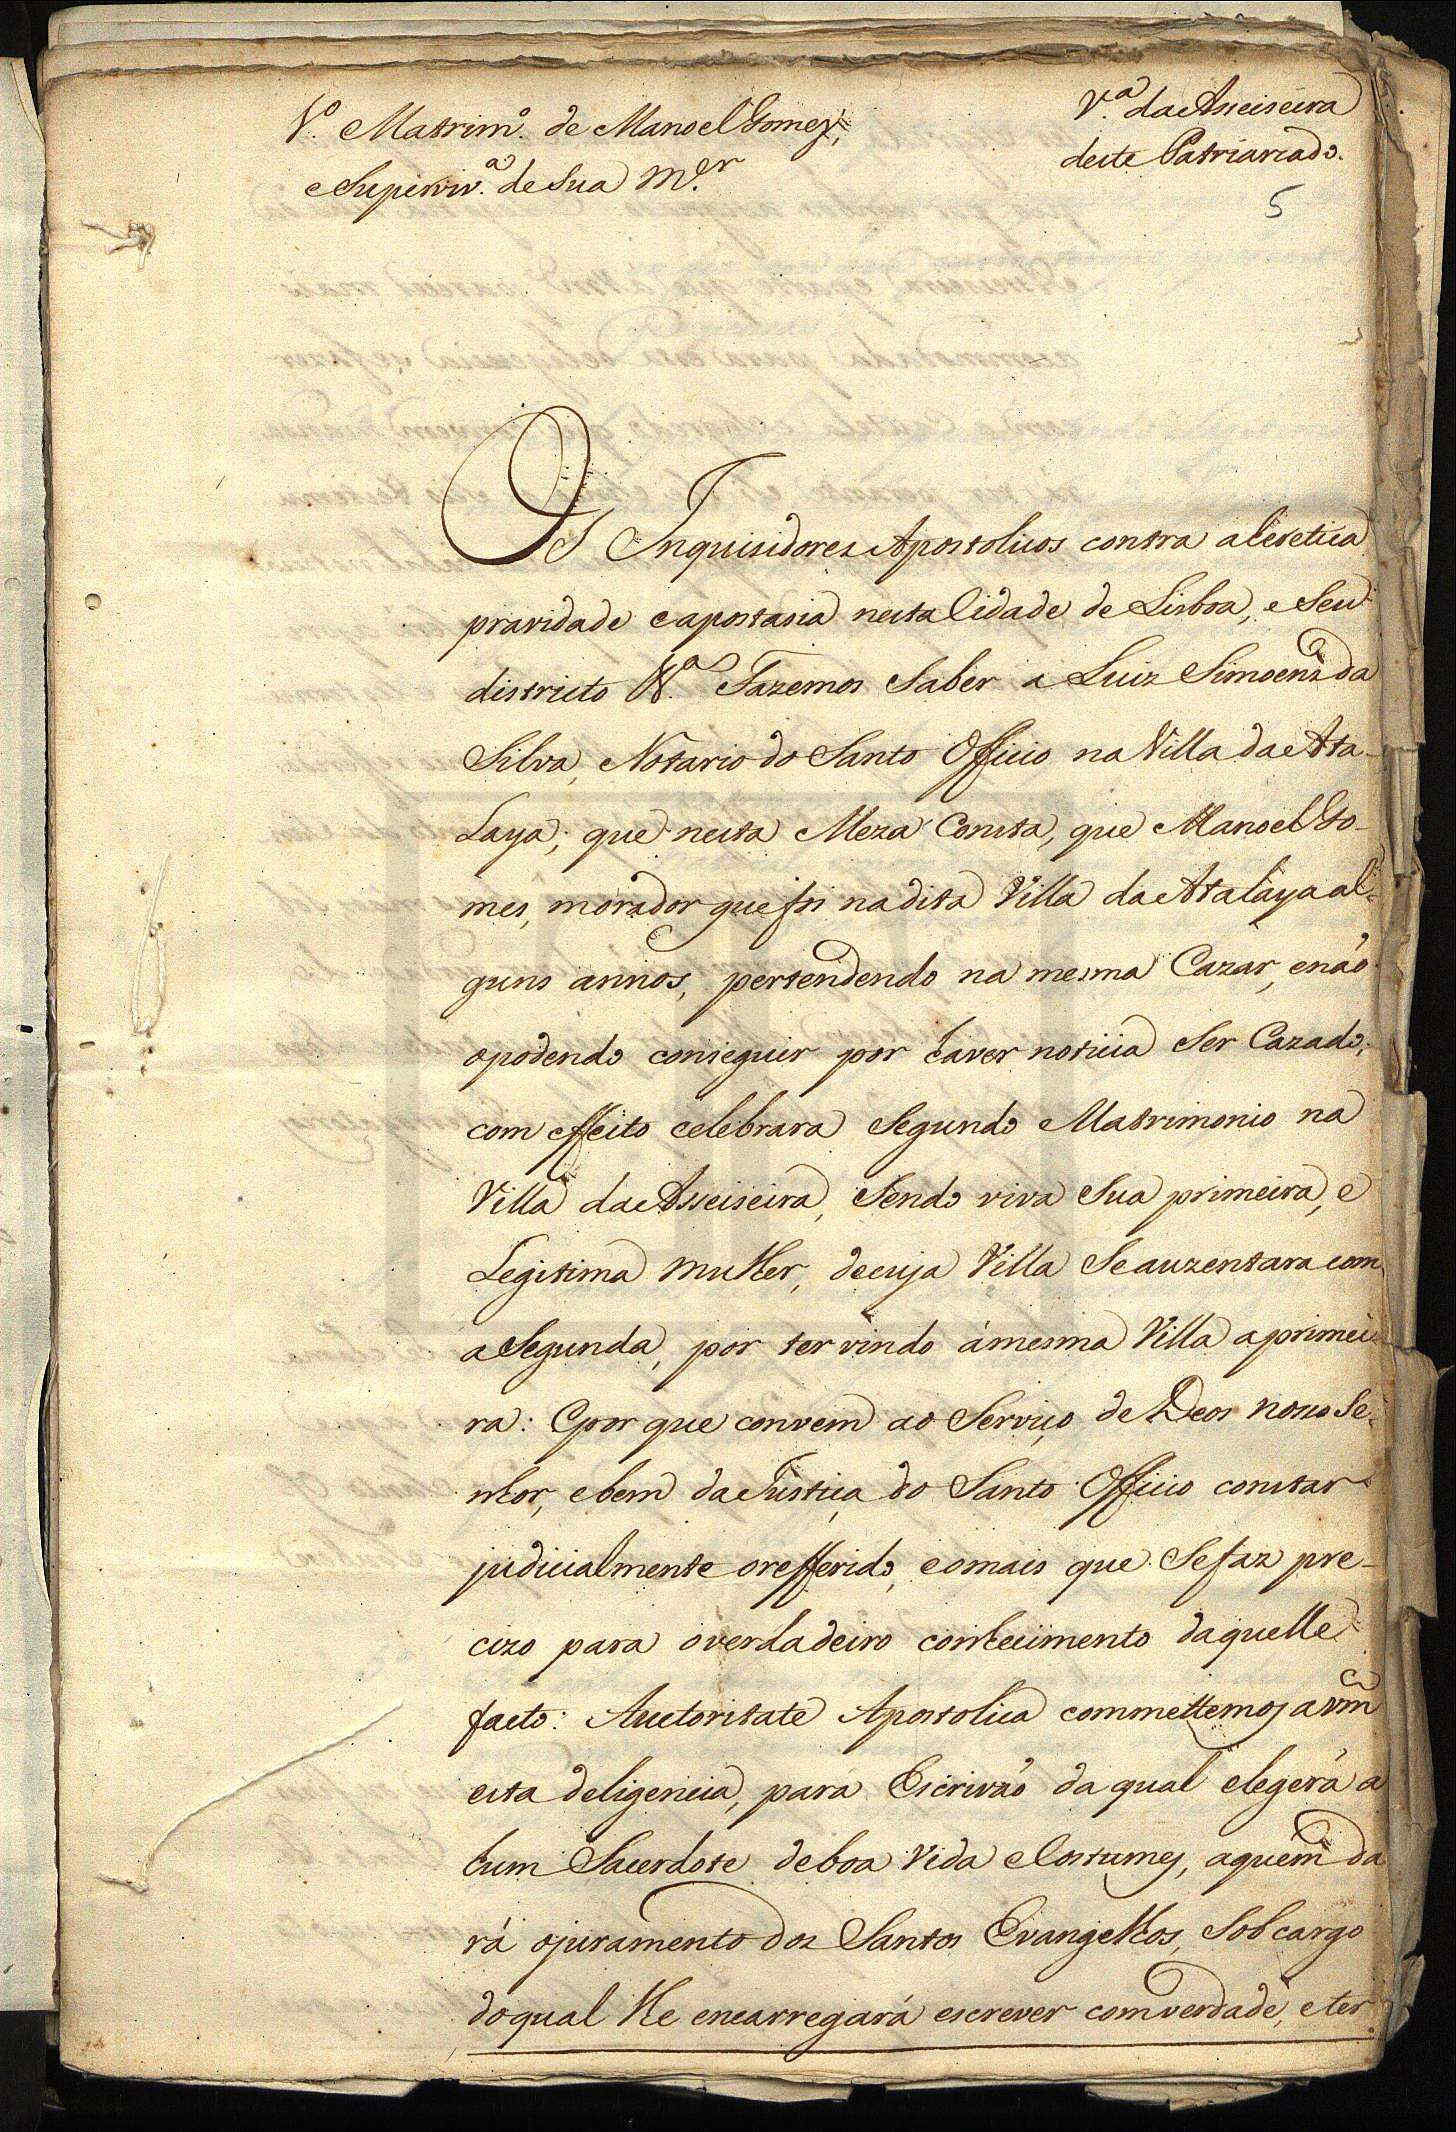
1.o Matrim.o de Manoel Gomez,
e Supirviv.a de Sua m.er
V.a da Asseiseira
deste Patriarcado.
5
Os Inquisidores Apostolicos contra a heretica
pravidade e apostasia nesta Cidade de Lisboa, e Seu
districto &.a Fazemos Saber a Luiz Simoens da
Silva, Notario do Santo Officio na Villa da Ata
Laya; que nesta Meza consta, que Manoel Go
mes, morador que foi na dita Villa da Atalaya al
guns annos, pertendendo na mesma Cazar, e naõ
o podendo conseguir por haver noticia Ser Cazado,
com effeito celebrara Segundo Matrimonio na
Villa da Asseiseira, Sendo viva sua primeira, e
Legitima mulher, de cuja Villa Se auzentara com
a Segunda, por ser vindo á mesma Villa a primei
ra: E porque convem ao Serviço de Deos nosso Se
nhor, e bem da Iustiça do Santo Officio constar
judicialmente o refferido, e o mais que Se faz pre
cizo para o verdadeiro conhecimento daquelle
facto: Auctoritate Apostolica commettemos a v m.ce
esta deligencia, para Escrivaõ da qual elegerá a
hum Sacerdote de boa vida, e Costumes, a quem da
rá o juramento doz Santos Evangelhos, Sob cargo
do qual lhe encarregará escrever com verdade, e ter
